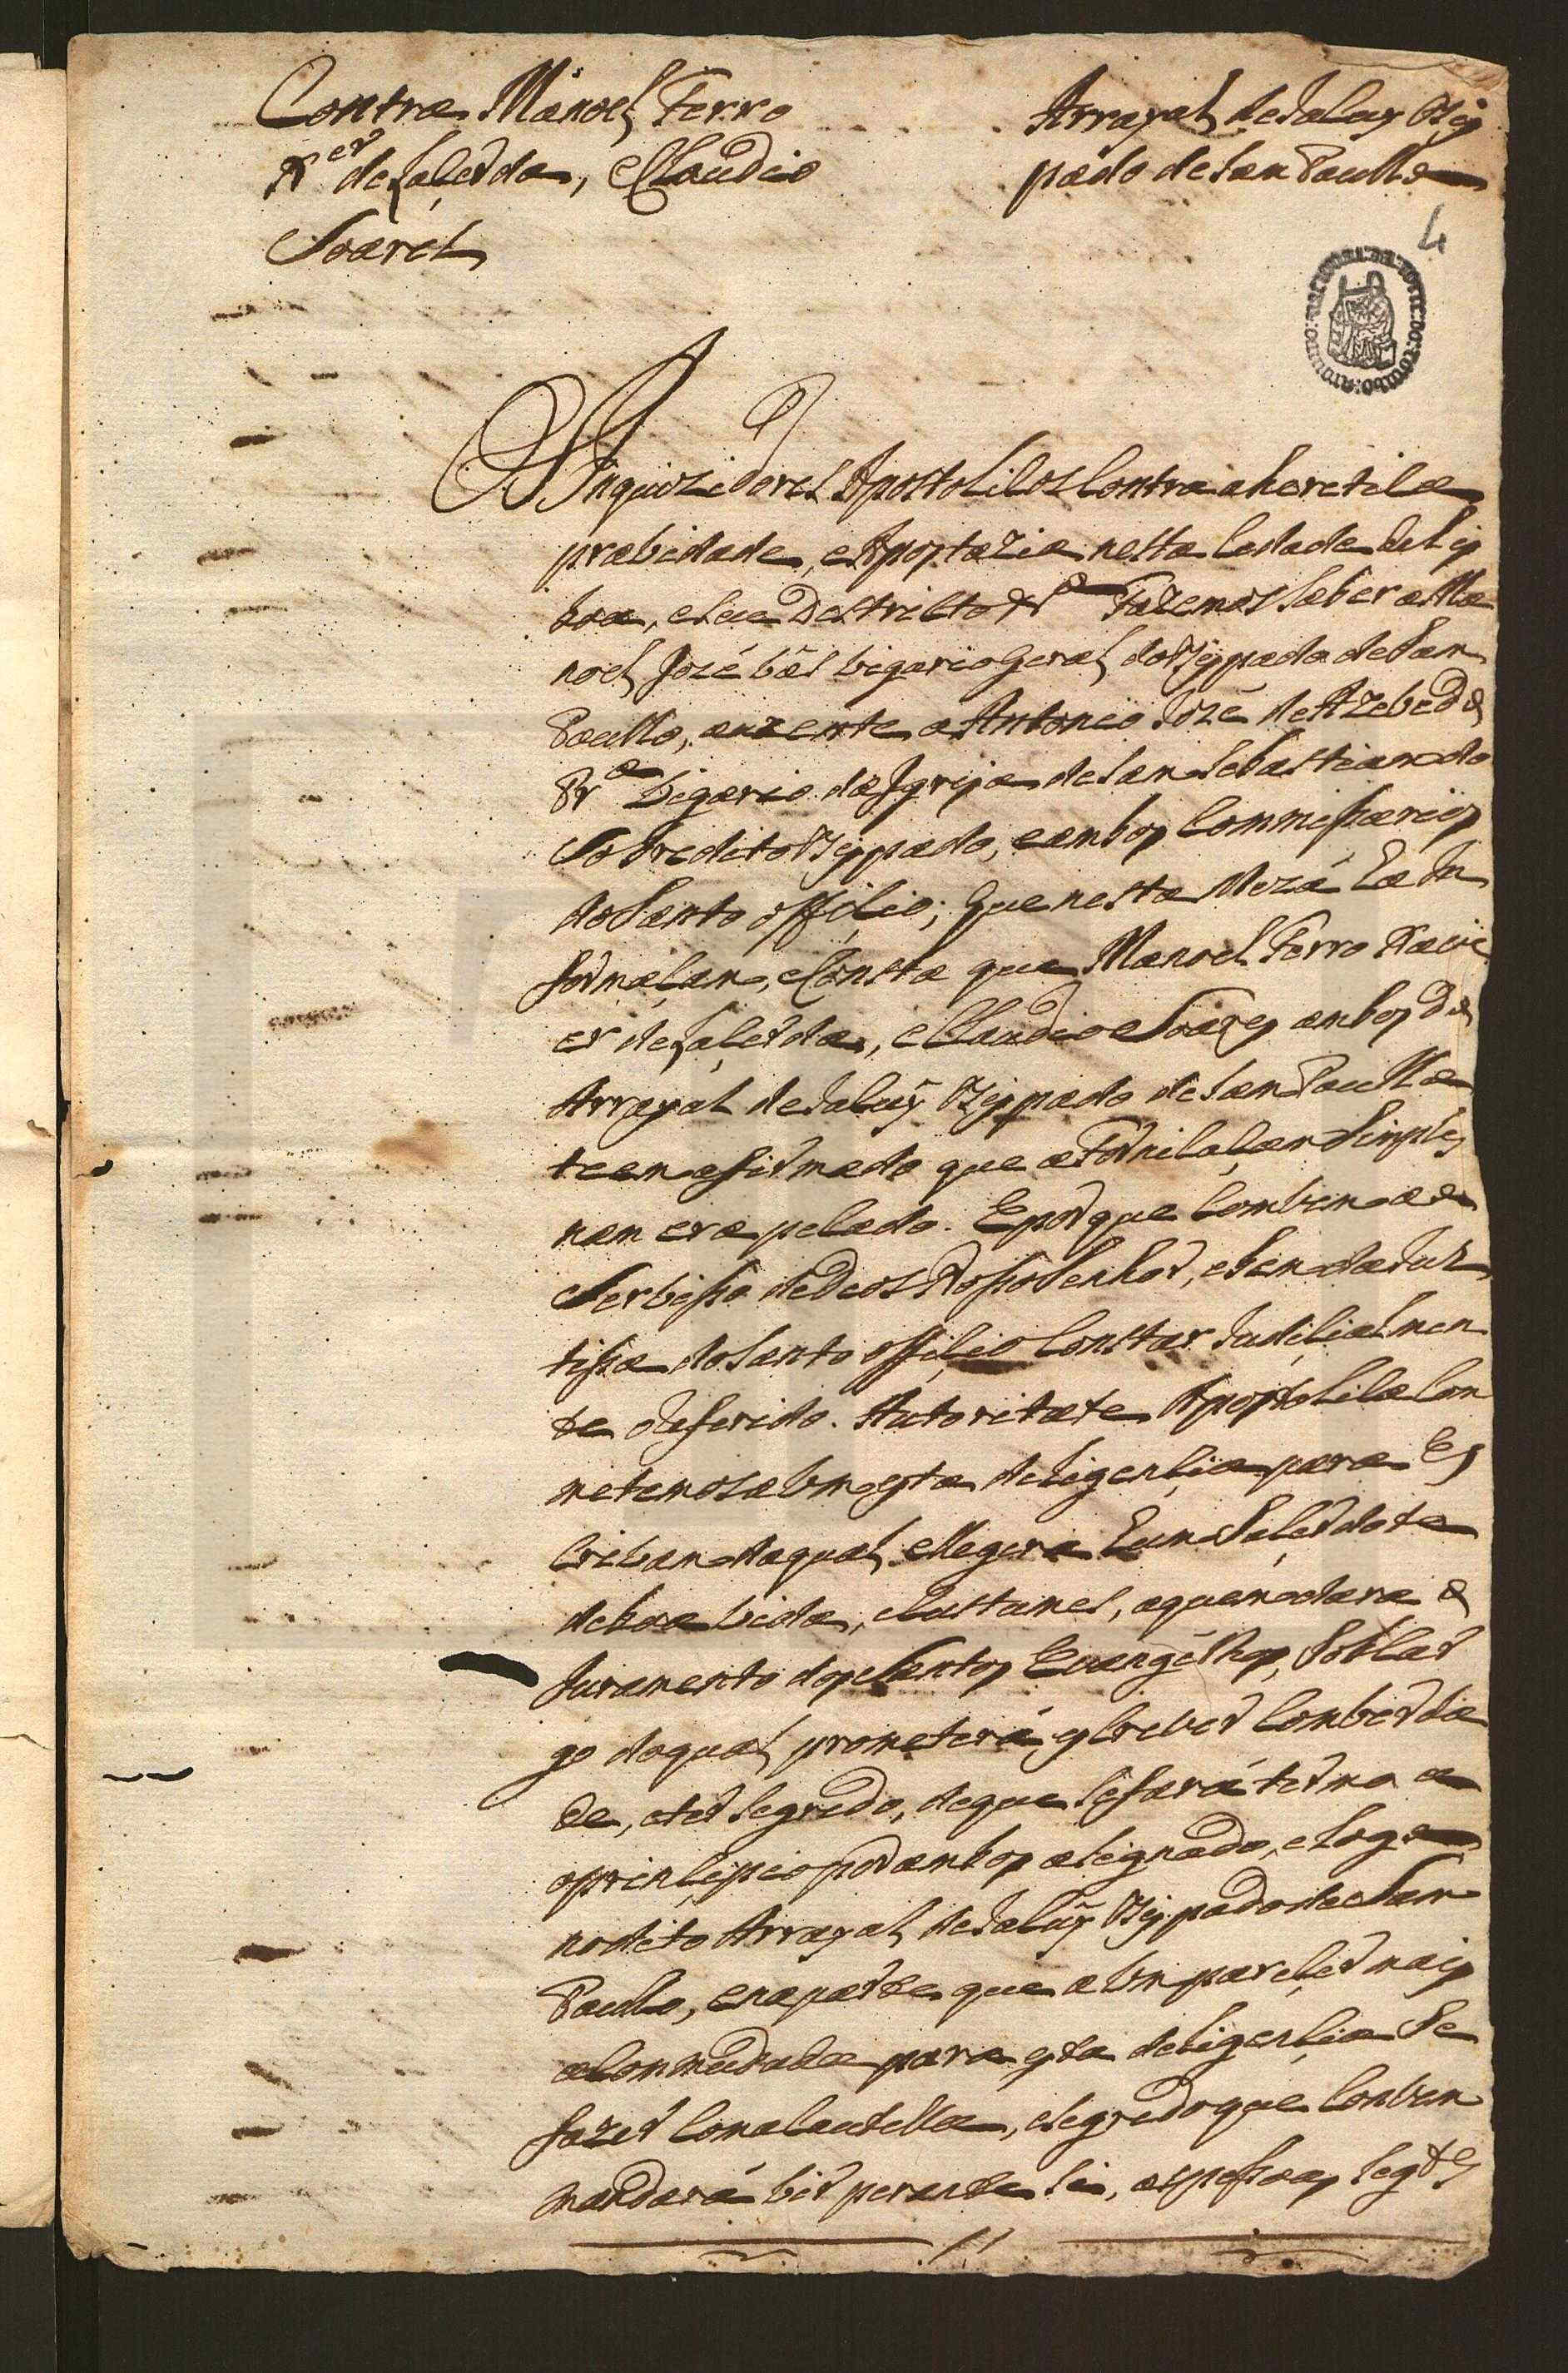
Arrayal de IaCuy Bis
pado de Sam Paullo
Contra Manoel Ferro
Xer de LaÇerda, e Claudio
Soares
OS Inquizidores ApostoLiCos Contra a heretiCa
pravidade, e Apostazia nesta Cidade de Lis
boa, e seu DestriCto &a Fazemos Saber a Ma
noe Jozé Vás Vigario Geral, do Bispado de Sam
Paullo, auzente a Antonio Iozé de Azevedo
Pr.a Vigario da Igreja de Sam Sebastiam do
Sobredito Bispado, e ambos Commissarios
do Santo offiÇio, Que nesta Meza ha In
formaÇam, e Consta que Manoel Ferro Xavi
er de LaÇerda, e Claudio Soares ambos do
Arrayal de IaCuŷ Bispado de Sam Paullo
teem afirmado que a ForniCaÇam Simples
nam era peCado. E porque Comvem ao
Servisso de Deos Nosso Senhor, e bem da Ius
tissa do Santo offiÇio Constar IudiÇialmen
te o Referido. Autoritate ApostoLiCa Com
metemos a vm esta deligenÇia para Es
Crivam da qual ellegera hum SaÇerdote
de boa vida, e Custumes, a quem dara o
Juramento dos Santos Evangélhos, Sob Car
go do qual prometerá esCrever com verda
de, e ter segredo, de que se fará termo a
o prinÇipio por ambos asignado, e logo
no dito ArrayaL de IaCuŷ Bispado de Sam
Paullo, e na parte que a Vm pareÇer mais
aCommodado para esta deligenÇia se
fazer Com a Cautella, segredo que Convem
mandará vir perante si, as pessoas segtes
